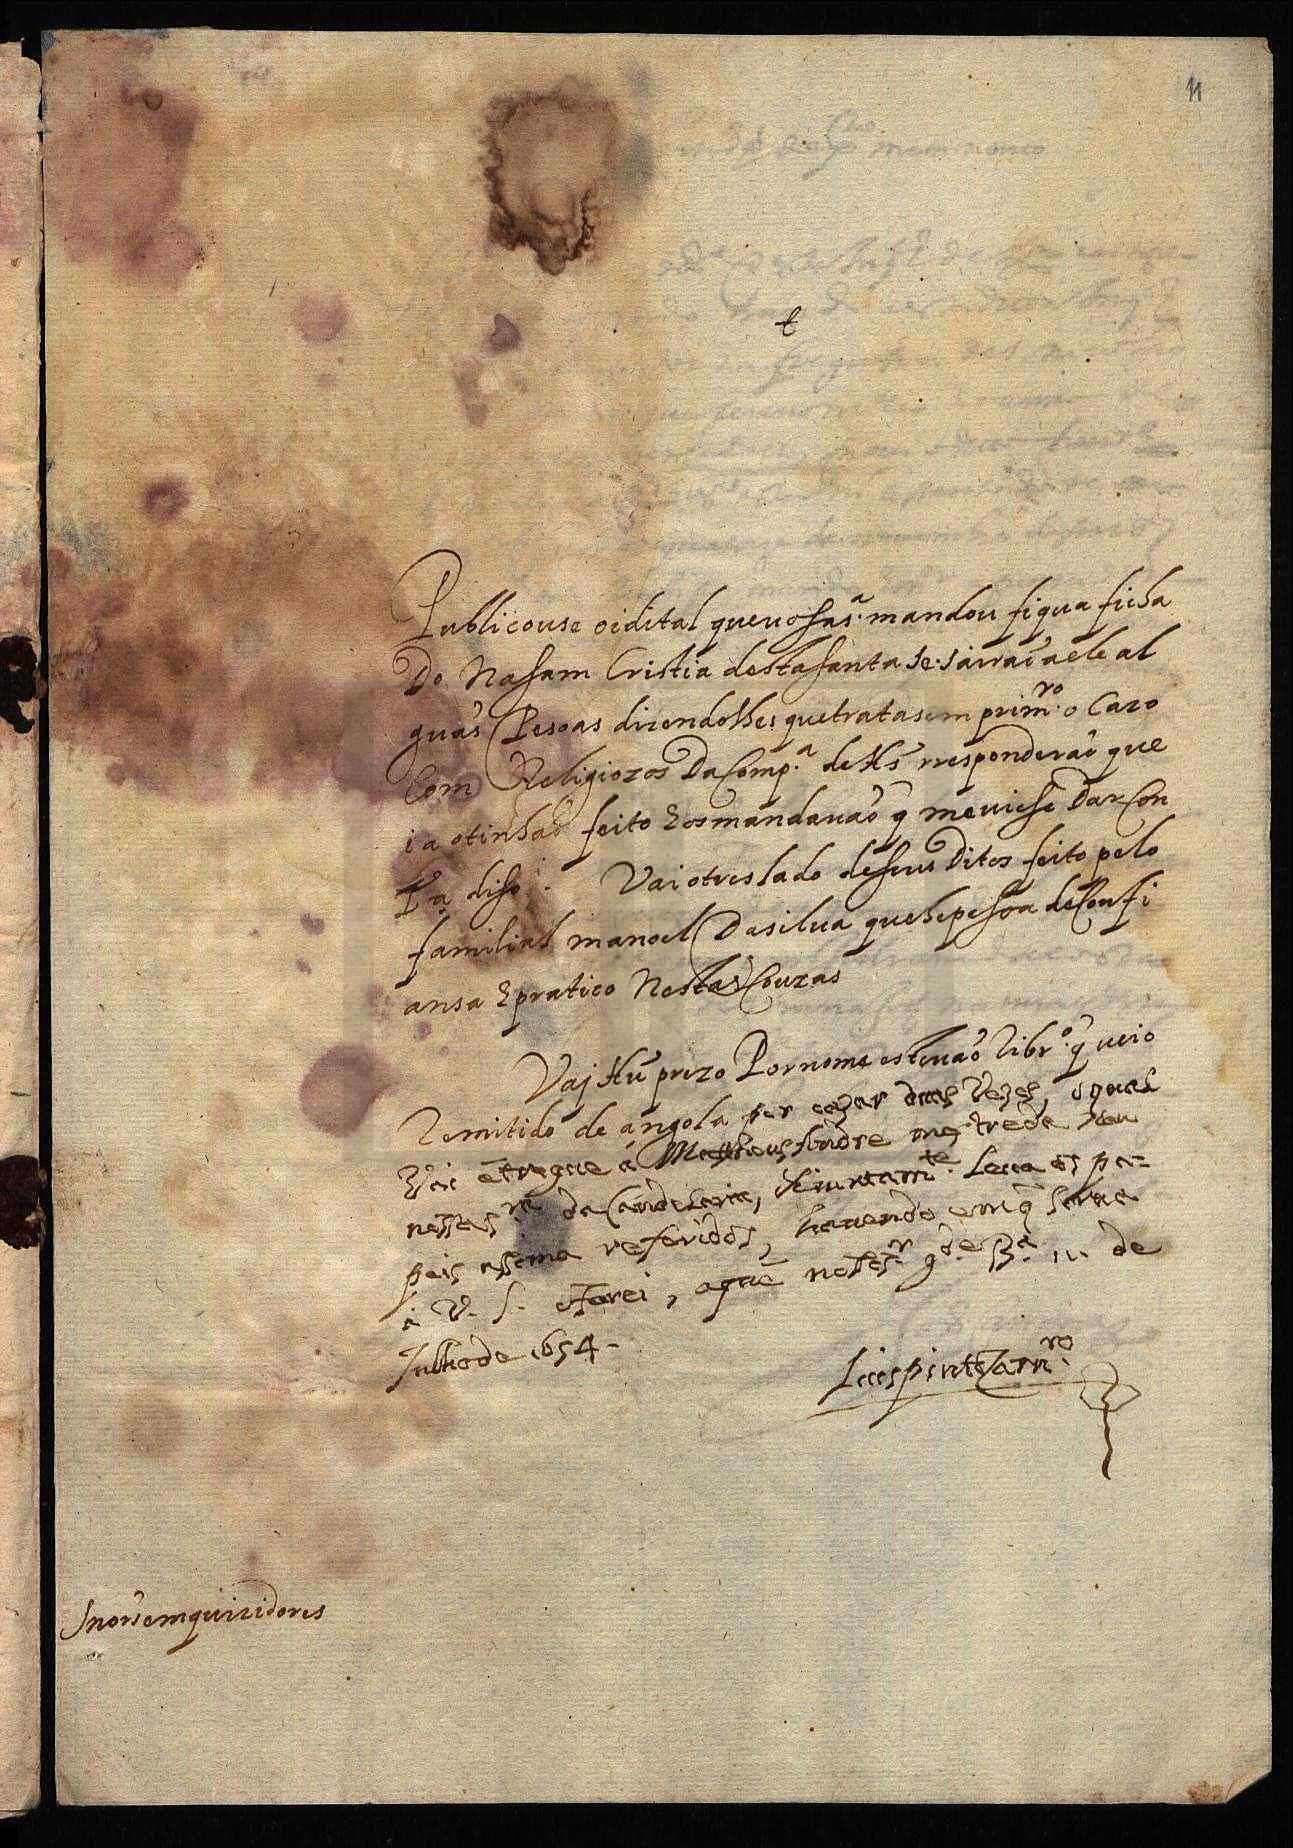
Snors̄ emquizidores
Publicouse o idital que uosa s.a mandou fiqua ficha
do na samCristia desta santa Se. Sairaõ a ele al
guās Pesoas dizendolhes que tratasem prim.ro o Cazo
Com Religiozos Da Comp.a de Hs̄ rresponderaõ que
ia o tinhaõ feito E os mandauaõ q̄ me uiese Dar Con
ta diso. Vai o treslado de seus ditos feito pelo
familial manoel Da silua que he pesoa de Confi
ansa E pratico Nesta Couzas
Vaj Hū prezo Por nome esteuaõ Ribr.o q̄ ueio
Remitido de angola por cazar duas Vezes, o qual
Vai ētrgue á Mattheus Andre mestre da nau
nossa s.ra da Candelaria, & iuntamte. leua os pa
peis assima referidos, hauendo em q̄ seruir
a V. S. o farei, a quē nosso s.r g.de B.a 11. de
Julho de 1654.
Luis pinto Carn.ro
